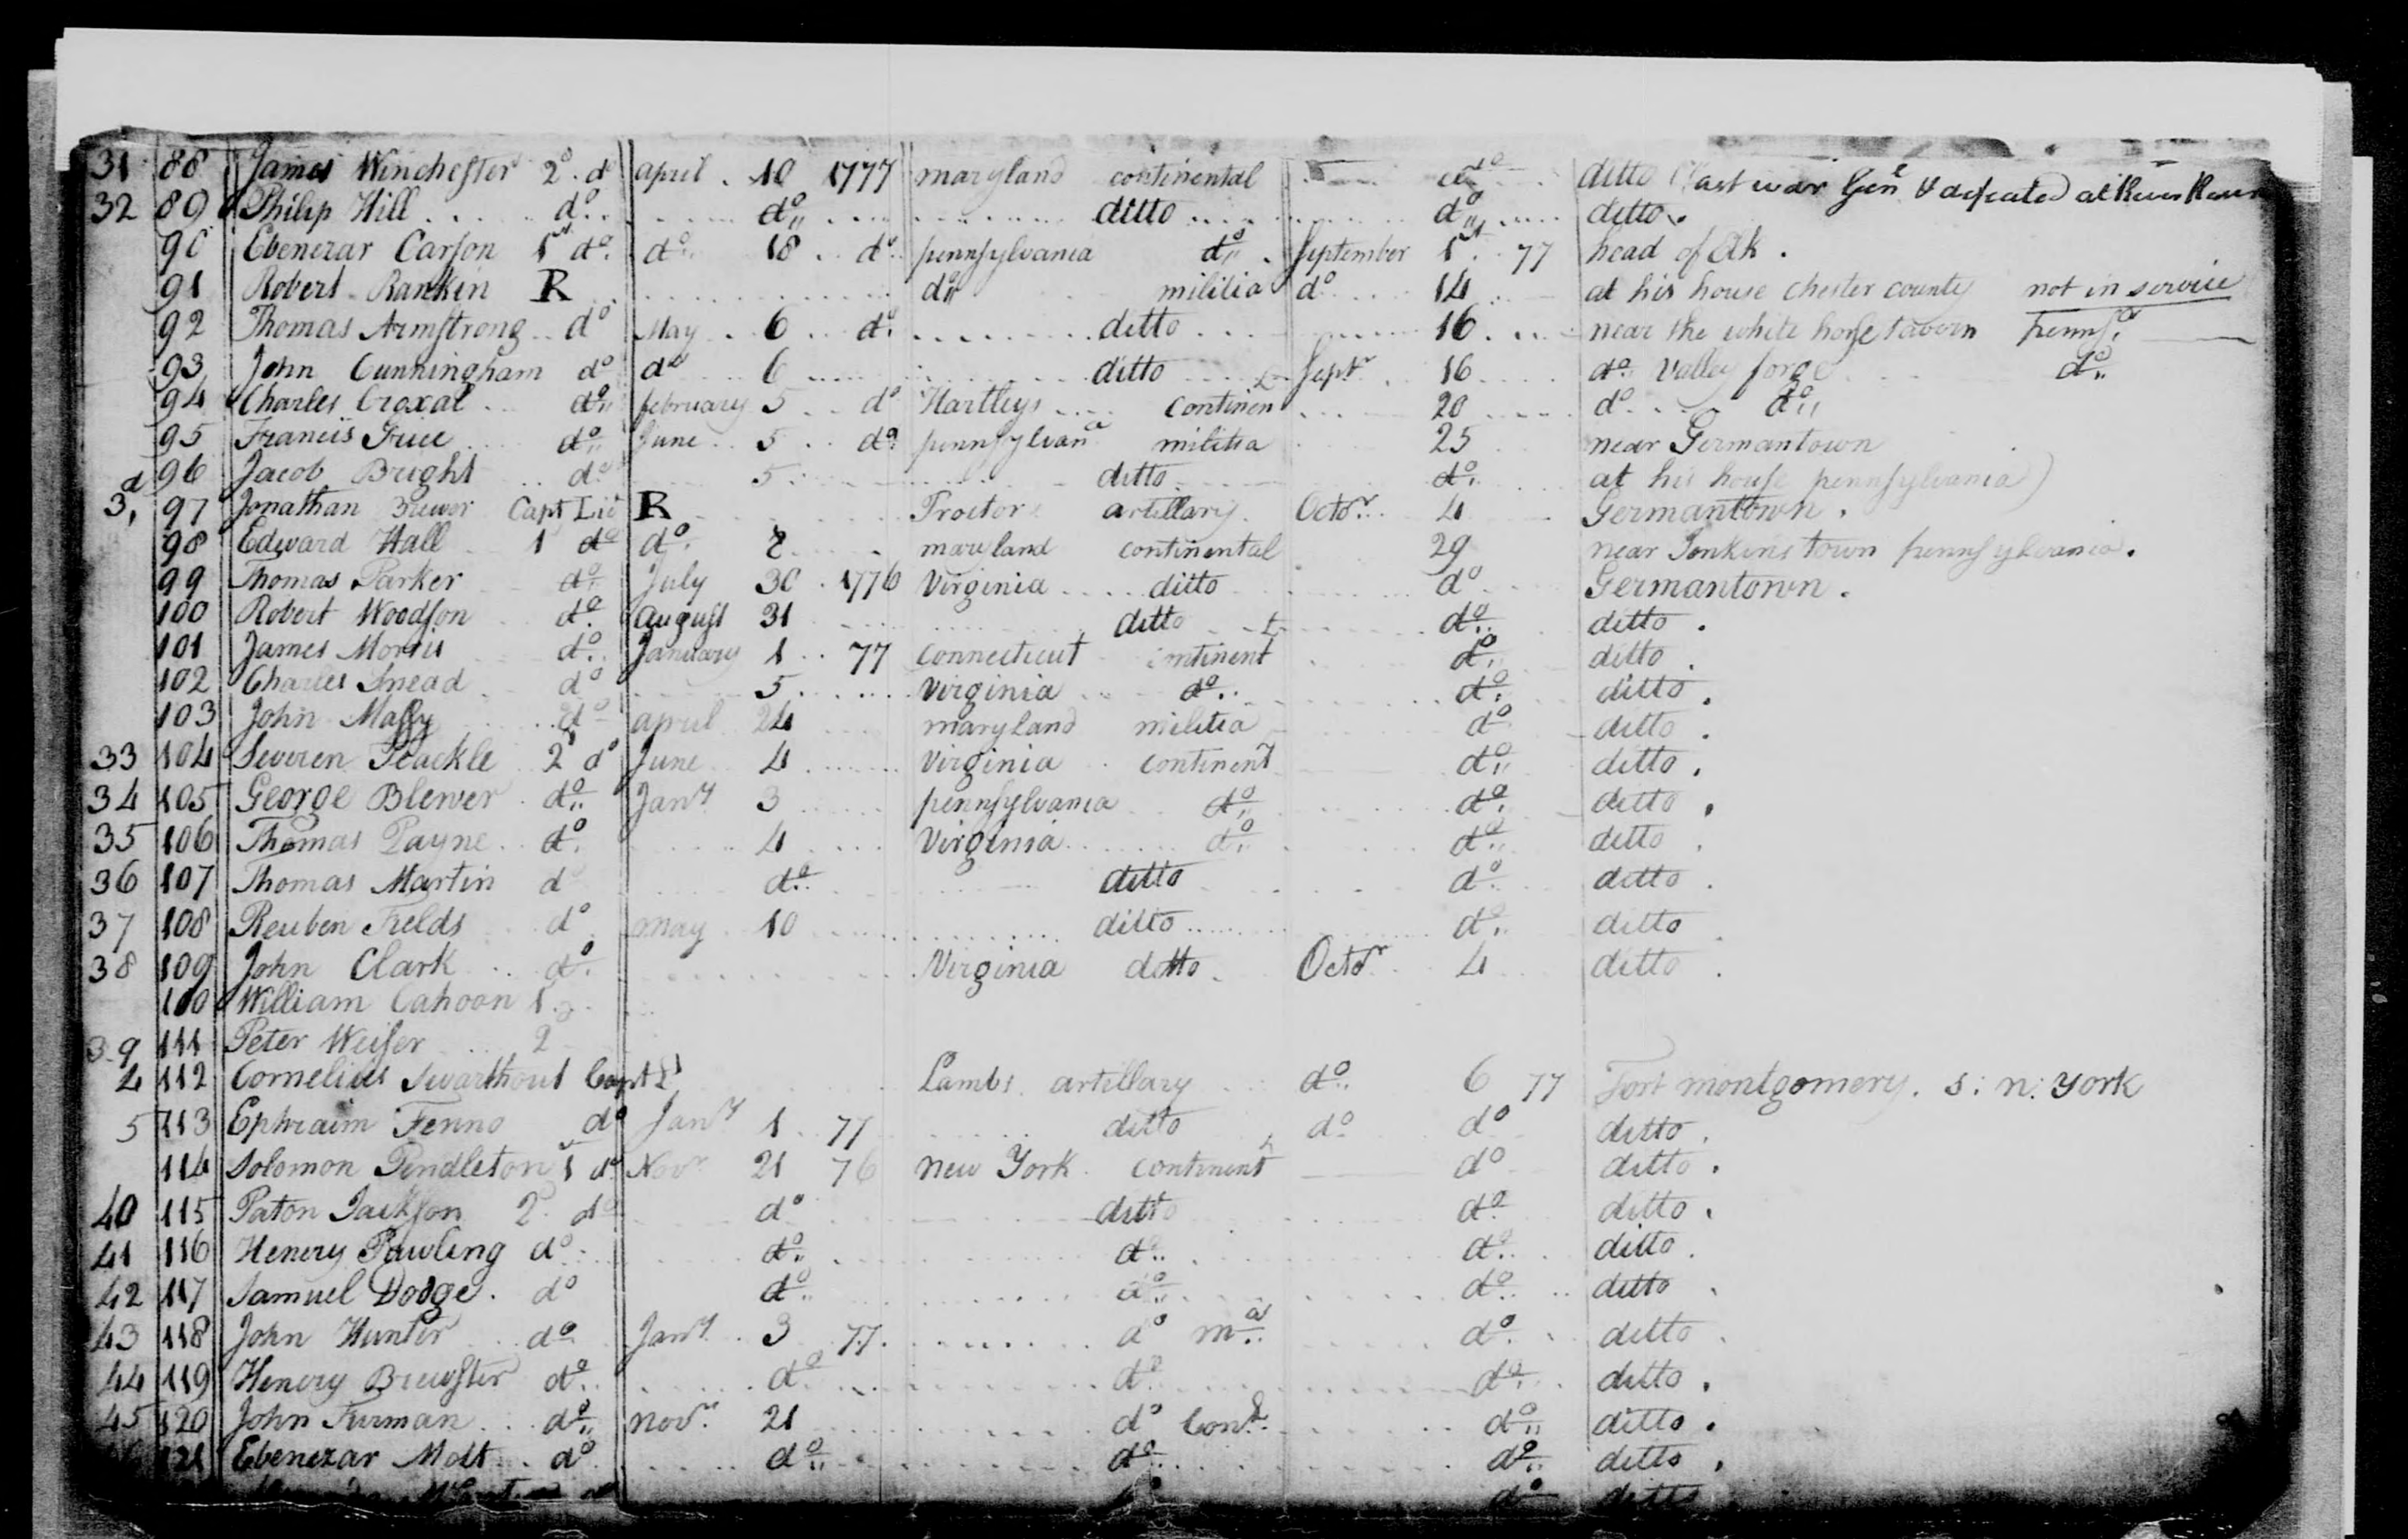[columns continued from previous page] 
31 | 88 | James Winchester 2d do | April 10 1777 |  Maryland continental | do | ditto (last war Genl & defeated at Reves House
32 | 89 | Philip Hill do | do | ditto | do | ditto.
- | 90 | Ebenezar Carson 1st do | do 18 do | Pennsylvania do | September 1st, 77 | head of Elk. 
- | 91 | Robert Rankin R | ....| do militia | do 14  | at his house chester county not in service
- | 92 | Thomas Armstrong do | May 6 do | ditto | ..16..| near the white horse tavern Penna. 
- | 93 | John Cunningham do | do 6 ..| ditto | Septr. 16. | do Valley forge  do.
- | 94 | Charles Croxal do | February 5 do | Hartleys continen. | ..20.. | do..do. 
- | 95 | Francis Grice do | June 5 do | Pennsylvana. militia | ...25... | near Germantown. 
- | 96 | Jacob Bright do | ..5..|  ditto | do | at his house Pennsylvania ) 
3d. | 97 | Jonathan Brewer Capt Liet R | ... | Proctor Artillary | Octor 4 | Germantown. 
- | 98 | Edward Hall 1st do | do 8 | Maryland continental | ...29 | near Tonkins town Pennsylvania. 
- | 99 | Thomas Parker do | July 30 1776 | Virginia ditto | do | Germantown. 
- | 100 | Robert Woodson do | August 31 | ditto | do | ditto.
- | 101 | James Morris do | January 1, 77 | Connecticut continent | do | ditto. 
- | 102 | Chance Snead do | ..5.. | Virginia do | do | ditto.
- | 103 | John Massy do | April 24..| Maryland militia | do | ditto.
33 | 104 | Severen Peackle 2d. do | June 4..| Virginia continent | do | ditto.
34 | 105 | George Blewer do | Jany 3.. | Pennsylvania do | do | ditto.
35 | 106 | Thomas Payne do | ..4..| Virginia do | do | ditto.
36 | 107 | Thomas Martin do | do | ditto | do | ditto.
37 | 108 | Reuben Fields do | May 10.. | ditto | do | ditto.
38 | 109 | John Clark do | ... | Virginia ditto | Octor. 4 | ditto. 
- | 110 | William Cahoon 1st |  | | | .
39 | 111 | Peter Weiser 2d |  | | |  .
4 | 112 | Cornelius Swarthout Capt Lt | ...|  Lambs artillary | do 6 77 | Fort Montgomery, S. N. York.
5 | 113 | Ephraim Fenno do | Jany 1, 77 | ditto | do do | ditto. 
- | 114 | Solomon Pendleton 1st do | Novr 21, 76| New York continent | do | ditto. 
40 | 115 | Paton Jackson 2d. do | do | ditto | do | ditto.
41 | 116 | Henery Rawling do | do | do | do | ditto.
42 | 117 | Samuel Dodge do | do | do | do | ditto. 
43 | 118 | John Hunter do | Jany 3, 77 | do Ma. | do | ditto.
44 | 119 | Henery Brewster do | do | do | do | ditto. 
45 | 120 | John Turman do | Novr. 21 | do Cont. | do | ditto.
[illegible] | 121 | Ebenezar Mott do | do | do | do | ditto. 
[last line is illegible]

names: James Morris, Francis Grice, Peter Weiser, John Hunter, Charles Croxal, Jonathan Brewer, John Turman, Thomas Armstrong, Solomon Pendleton, William Cahoon, Henery Brewster, Edward Hall, Samuel Dodge, Thomas Parker, Thomas Martin, Henery Pawling, Ebenezar Mott, Thomas Payne, Mc Intire, Severen Teackle, Jacob Bright, John Massy, Paton Jackson, George Blewer, Charles Snead, Cornelius Swarthout, James Winchester, Reuben Fields, Ephraim Fenno, Robert Woodson, Philip Hill, Robert Rankin, John Clark, Ebenezar Carson, John Cunningham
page: 26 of 57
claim: survivor's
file: S. 2161, Hezekiah Davies, Penn